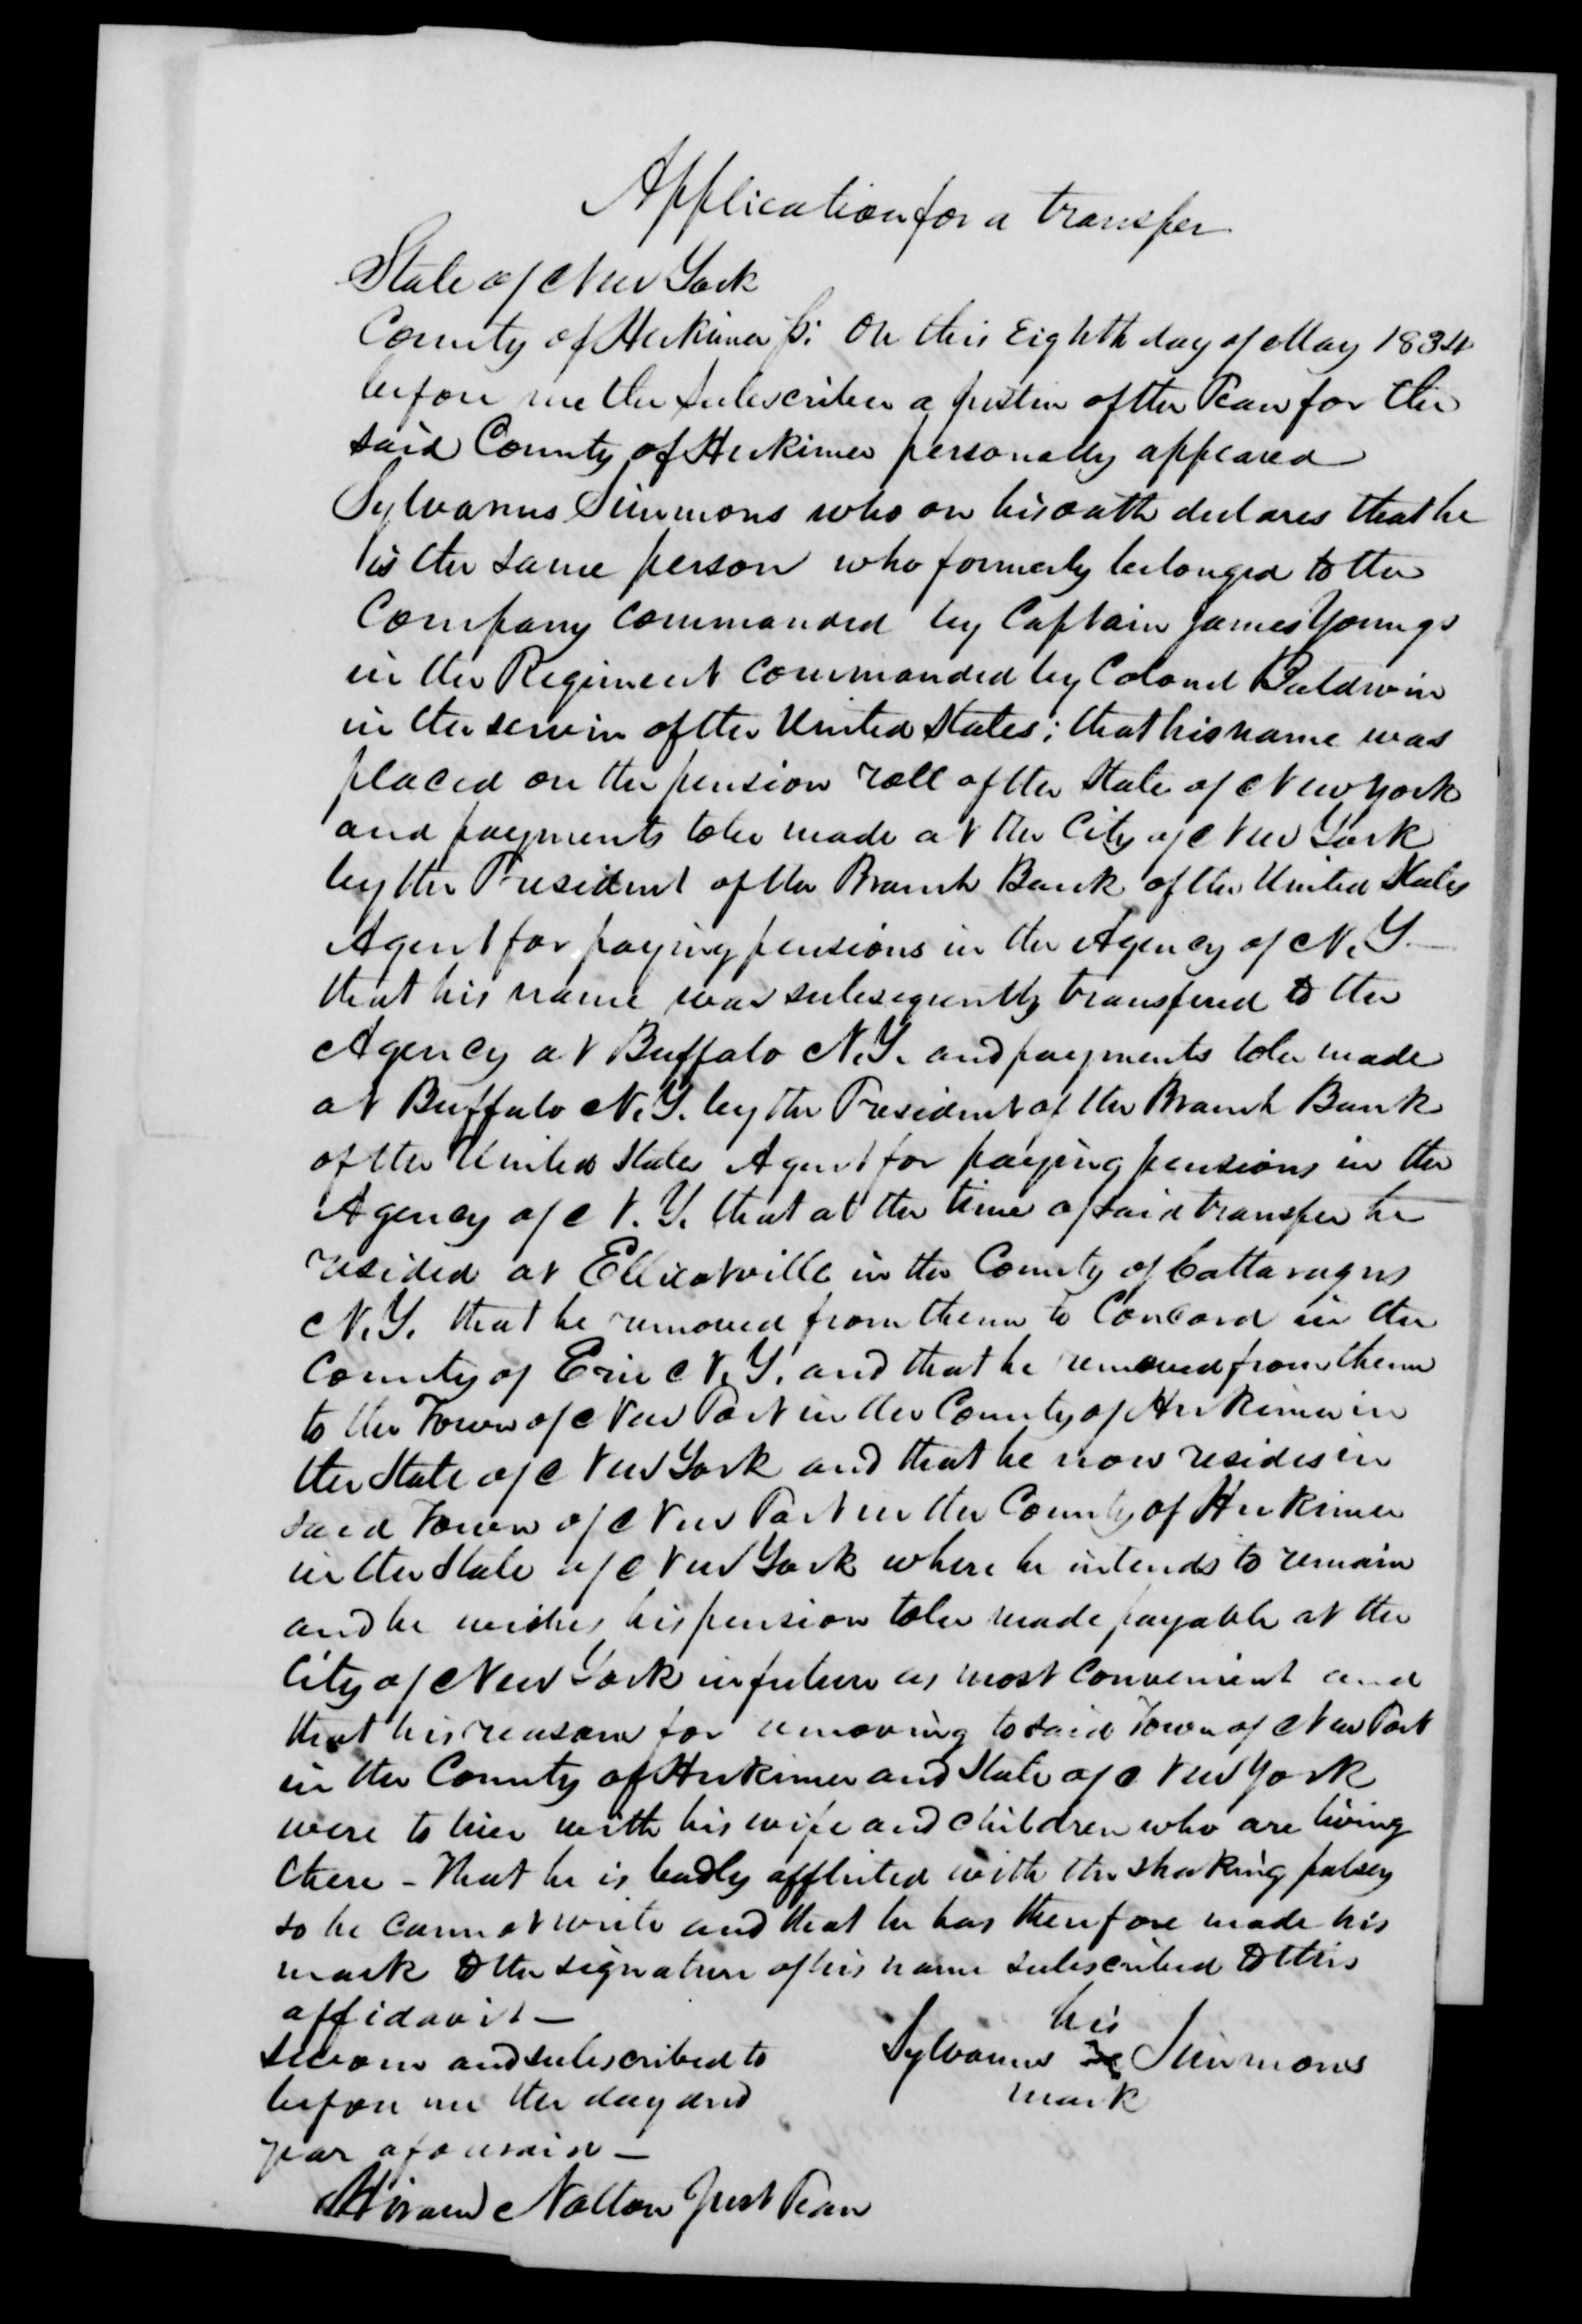Application for a transfer
State of New York
County of Herkima ss: On this Eighth day of May 1834
before me the Subscriber a Justice of the Peace for the
said County of Herkimer personally appeared
Sylvanus Simmons who on his oath declares that he
is the same person who formerly belonged to the
Company commanded by Captain James Youngs
in the Regiment commanded by Colonel Baldwin
in the service of the United States; that his name was
placed on the pension roll of the State of New York
and payments to be made at the City of New York
by the President of the Branch Bank of the United States
Agent for paying pensions in the Agency of N.Y.
that his name was subsequently transfered to the
Agency at Buffalo N. Y. and payments to be made
at Buffalo N. Y. by the President of the Branch Bank
of the United States Agent for paying pensions in the
Agency of N.Y. that at the time of said transfer he
resided at Ellicotville in the County of Cattaragus
N.Y. that he removed from thence to Concord in the
County of Erie N.Y. and that he removed from thence
to the Town of New Port in the County of Herkimer
the State of New York and where he intends to remain
and he wishes his pension to be made payable at the
City of New York in future as most convenient and
that his reason for removing to said Town of New Port
in the County of Herkimer and State of New York
were to live with his wife and children who are living
there. That he is badly afflicted with the shaking palsey
so he cannot write and that he has therefore made his
mark to the signature of his name subscribed to this
affidavit
Sworn and subscribed to
his
before me the day and
year aforesaid-
Hiram Nolton Just Peace

his
Sylvanus X Simmons
mark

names: [BLANK] Baldwin; James Youngs; Hiram Nolton; Sylvanus Simmons; Sylvanus Simmons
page: 7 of 31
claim: survivor's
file: S. 14484, for Sylvanus Simmons, New York